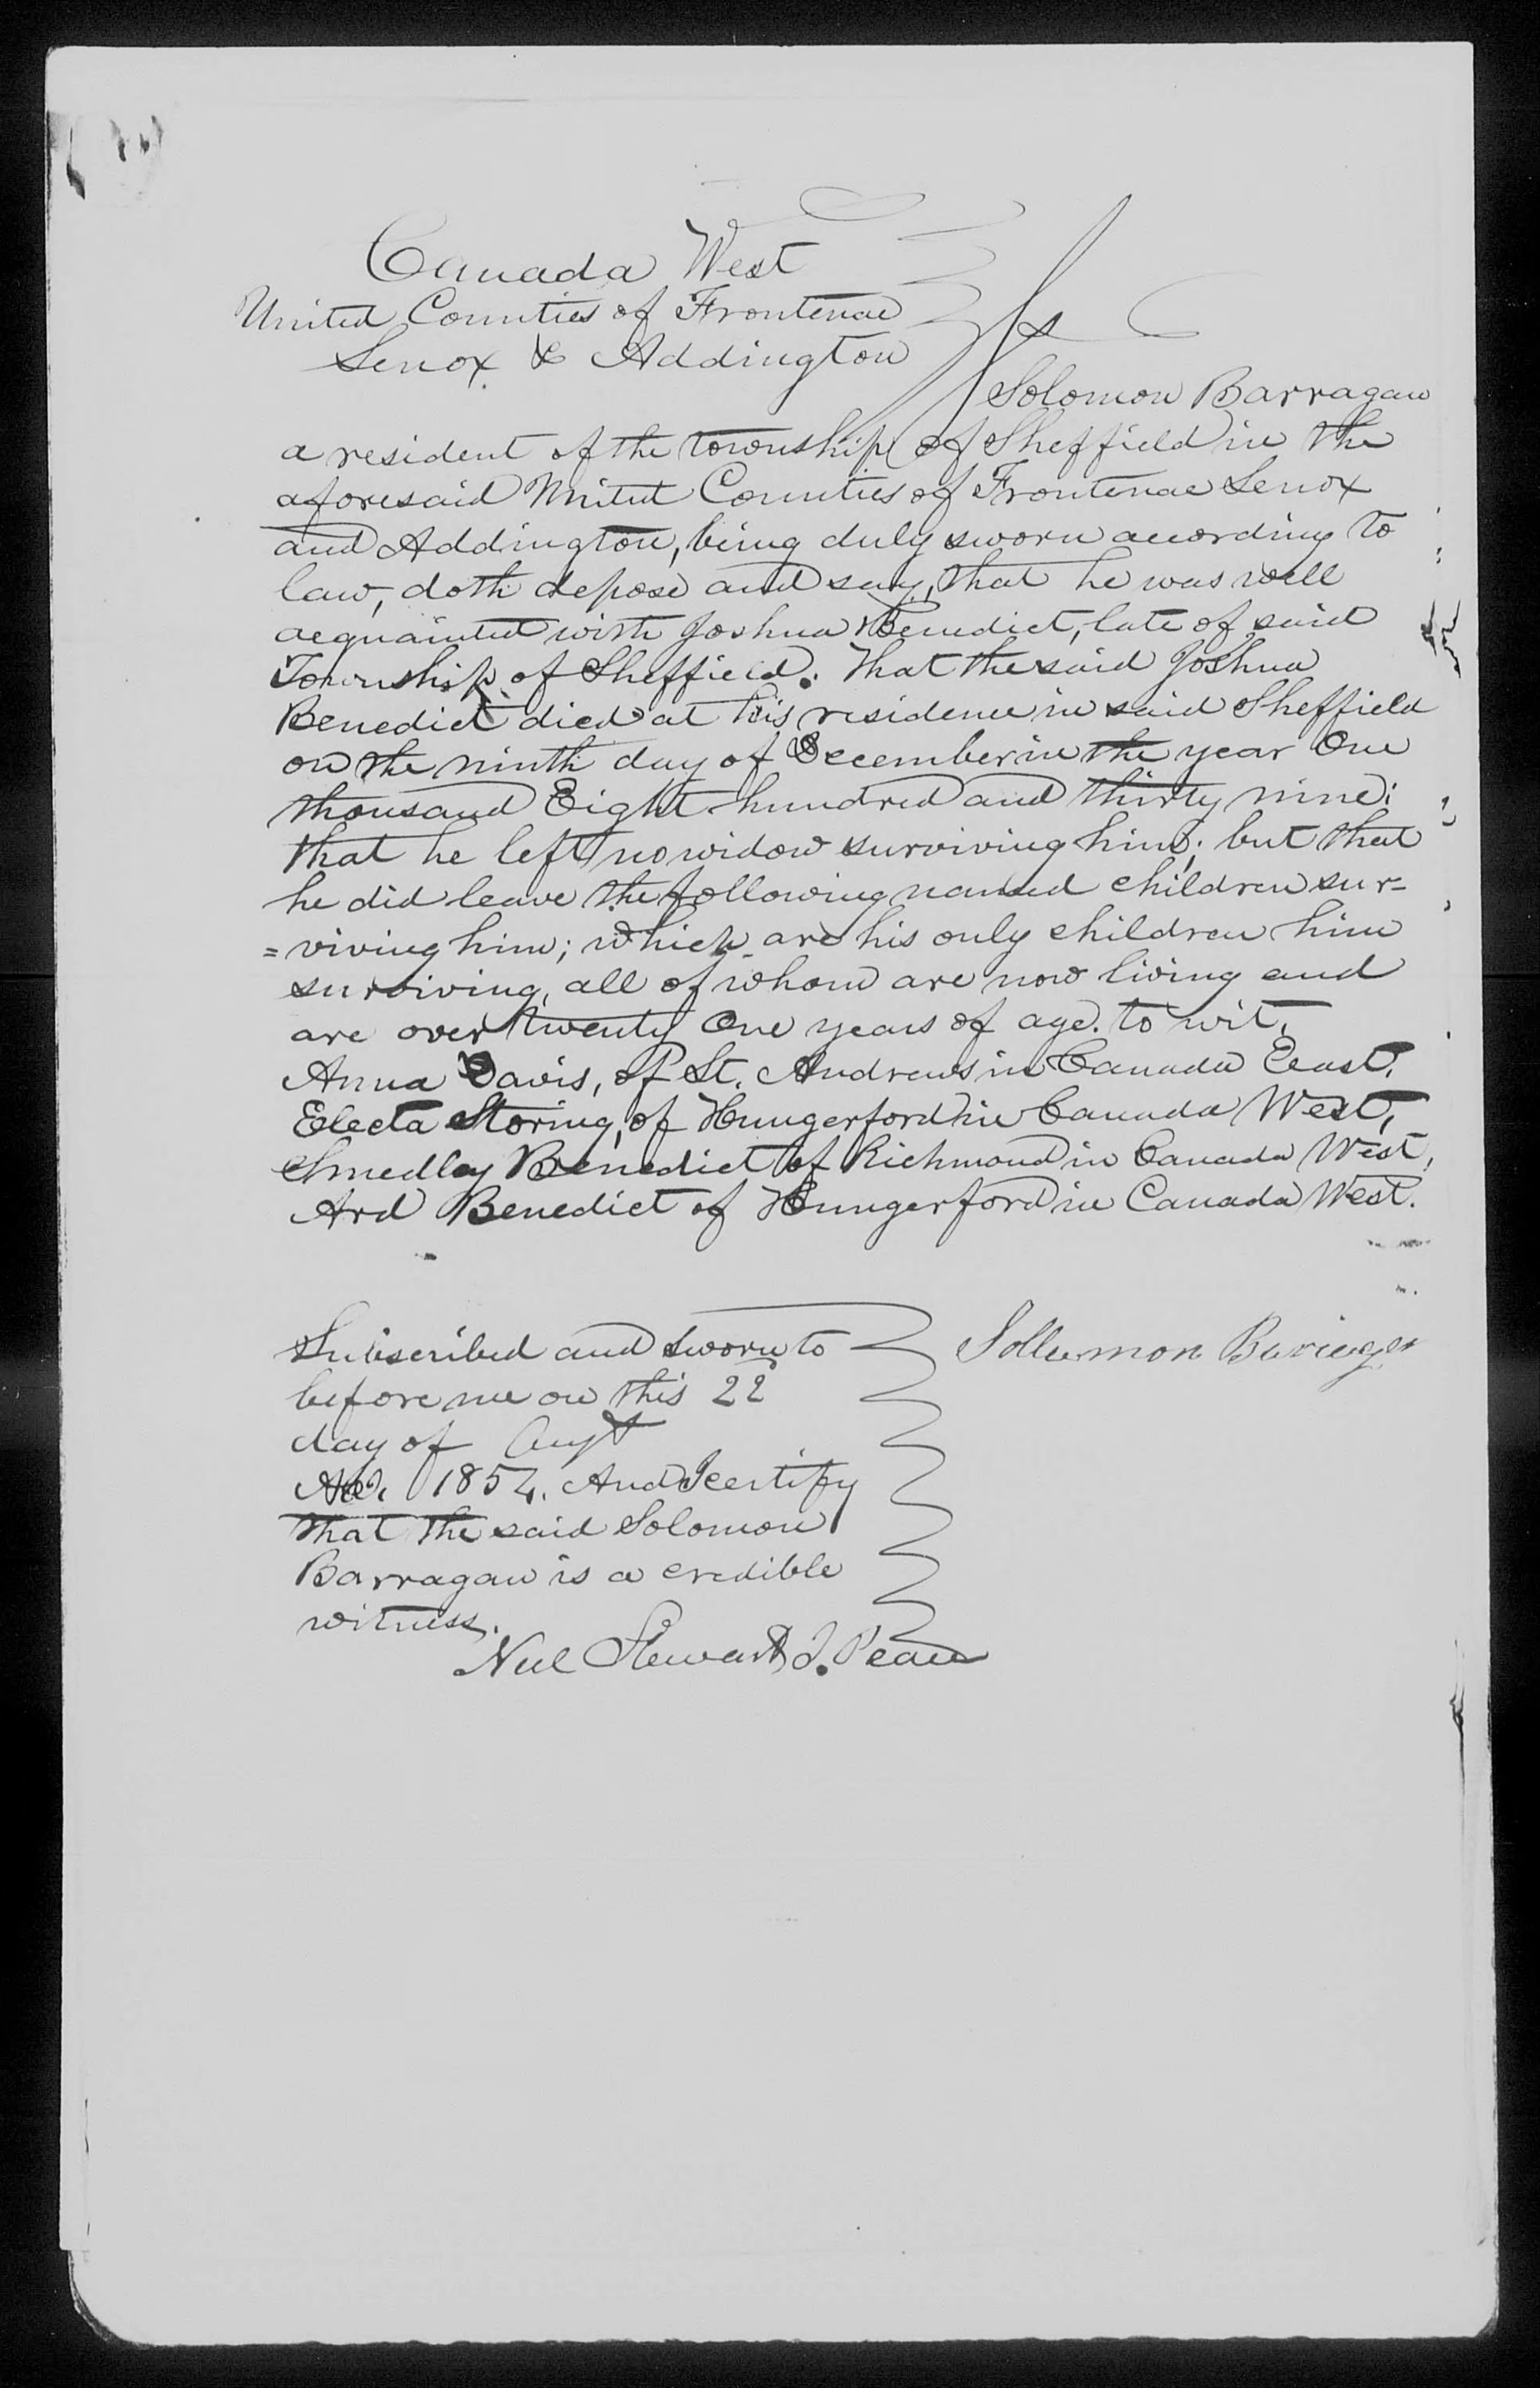Canada West
United Counties of Frontenac
Lenox [Lennox] & Addington } Ss
Solomon Barragan a resident of the township of Sheffield in the aforesaid United Counties of Frontenac Lenox [Lennox] and Addington, being duly sworn according to law, doth depose and say, that he was well acquainted with Joshua Benedict, late of said Township of Sheffield. That the said Joshua Benedict died at his residence in said Sheffield on the ninth day of December in the year One thousand Eight hundred and thirty nine; that he left no widow surviving him; but that he did leave the following named children surviving him; which are his only children him surviving, all of whom are now living and are over twenty one years of age. To wit, 
Anna Davis, of St. Andrews in Canada East,
Electa Storing of Hungerford in Canada West,
Smedley Benedict of Richmond in Canada West,
Ard Benedict of Hungerford in Canada West.

Sollomon Barriger

Subscribed and sworn to before me on this 22d day of Augt A.D. 1854. And I certify that the said Solomon Barragan is a credible witness.
Niel Stewart J. Peace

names: Solomon Barragan, Neil Stewart, Sollomon Barriger, Solomon Barragan, Joshua Benedict, Joshua Benedict, Electa Storing, Smedley Benedict, Anna Davis, Ard Benedict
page: 93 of 106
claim: survivor's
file: S 23,116., Joshua Benedict, Conn.